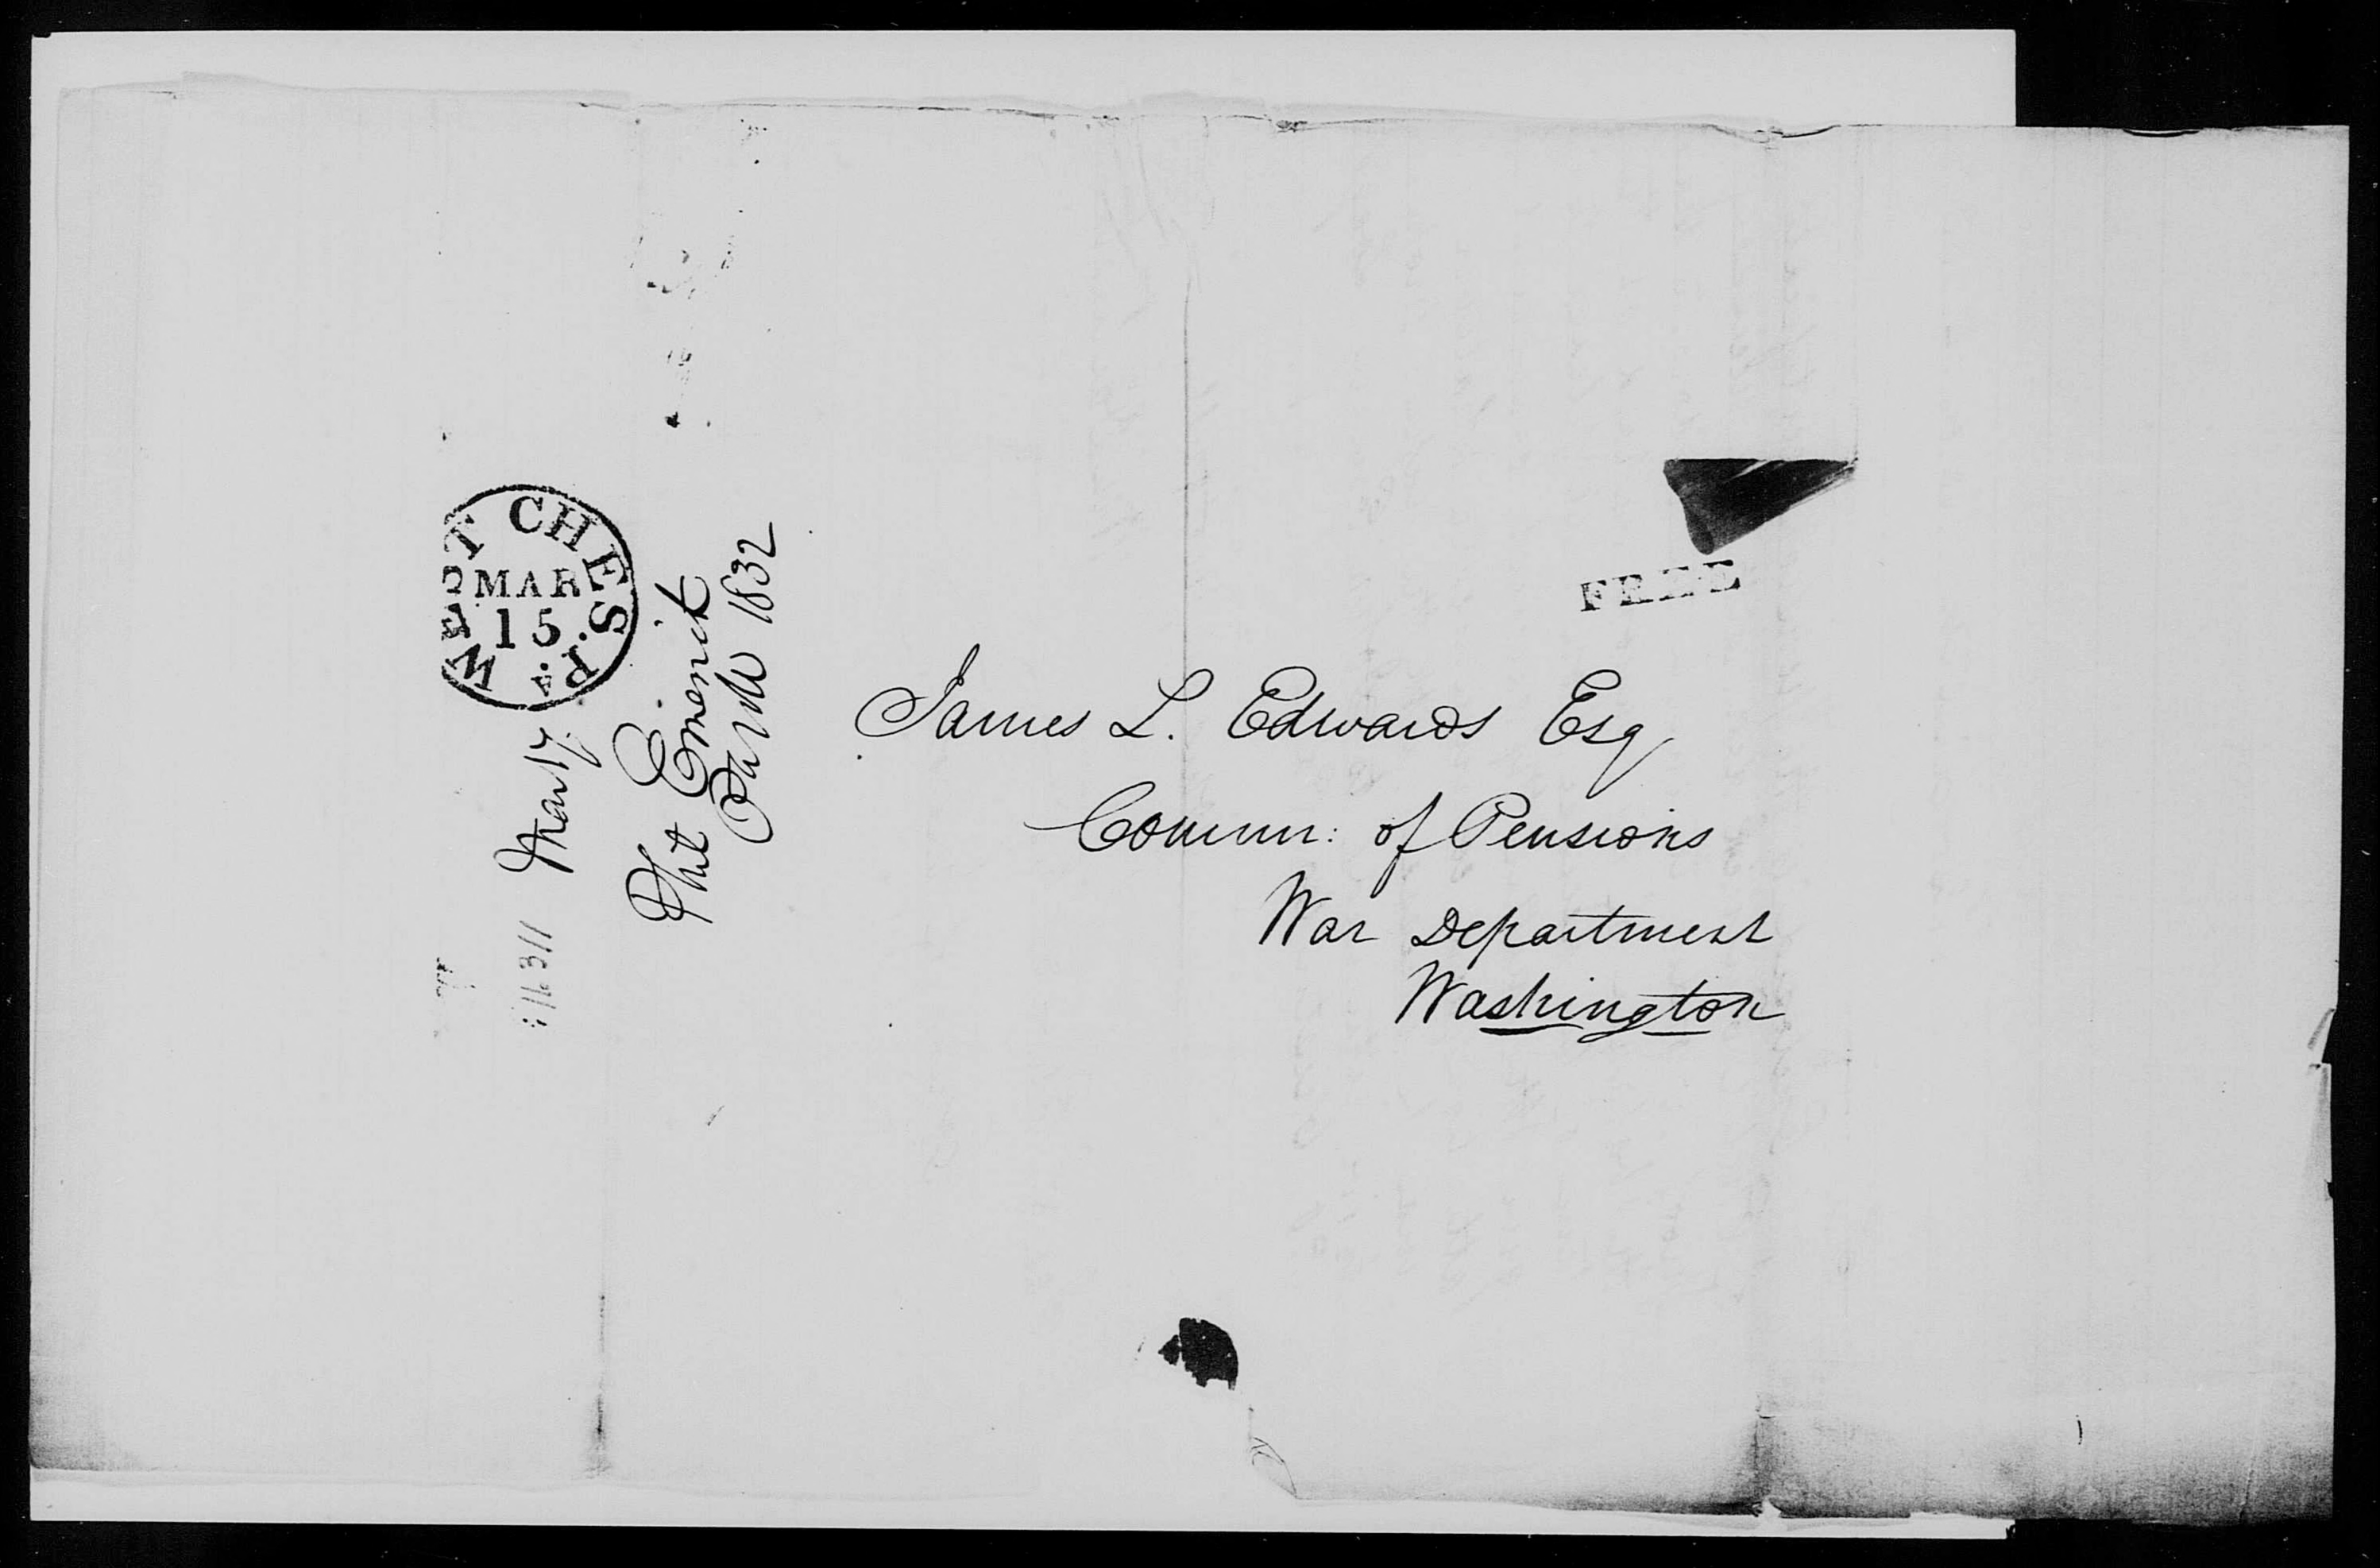James L. Edwards Esq
Comm. of Pensions
War Department
Washington

[stamped]
WEST CHES. PA
MAR 15

[begin vertical text]
Mar 17
Phil Emerick
[illegible] 1832
[end vertical text]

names: James L Edwards, Phil Emerick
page: 26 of 29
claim: survivor's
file: S. 23618, Philip Emerick, Penn.